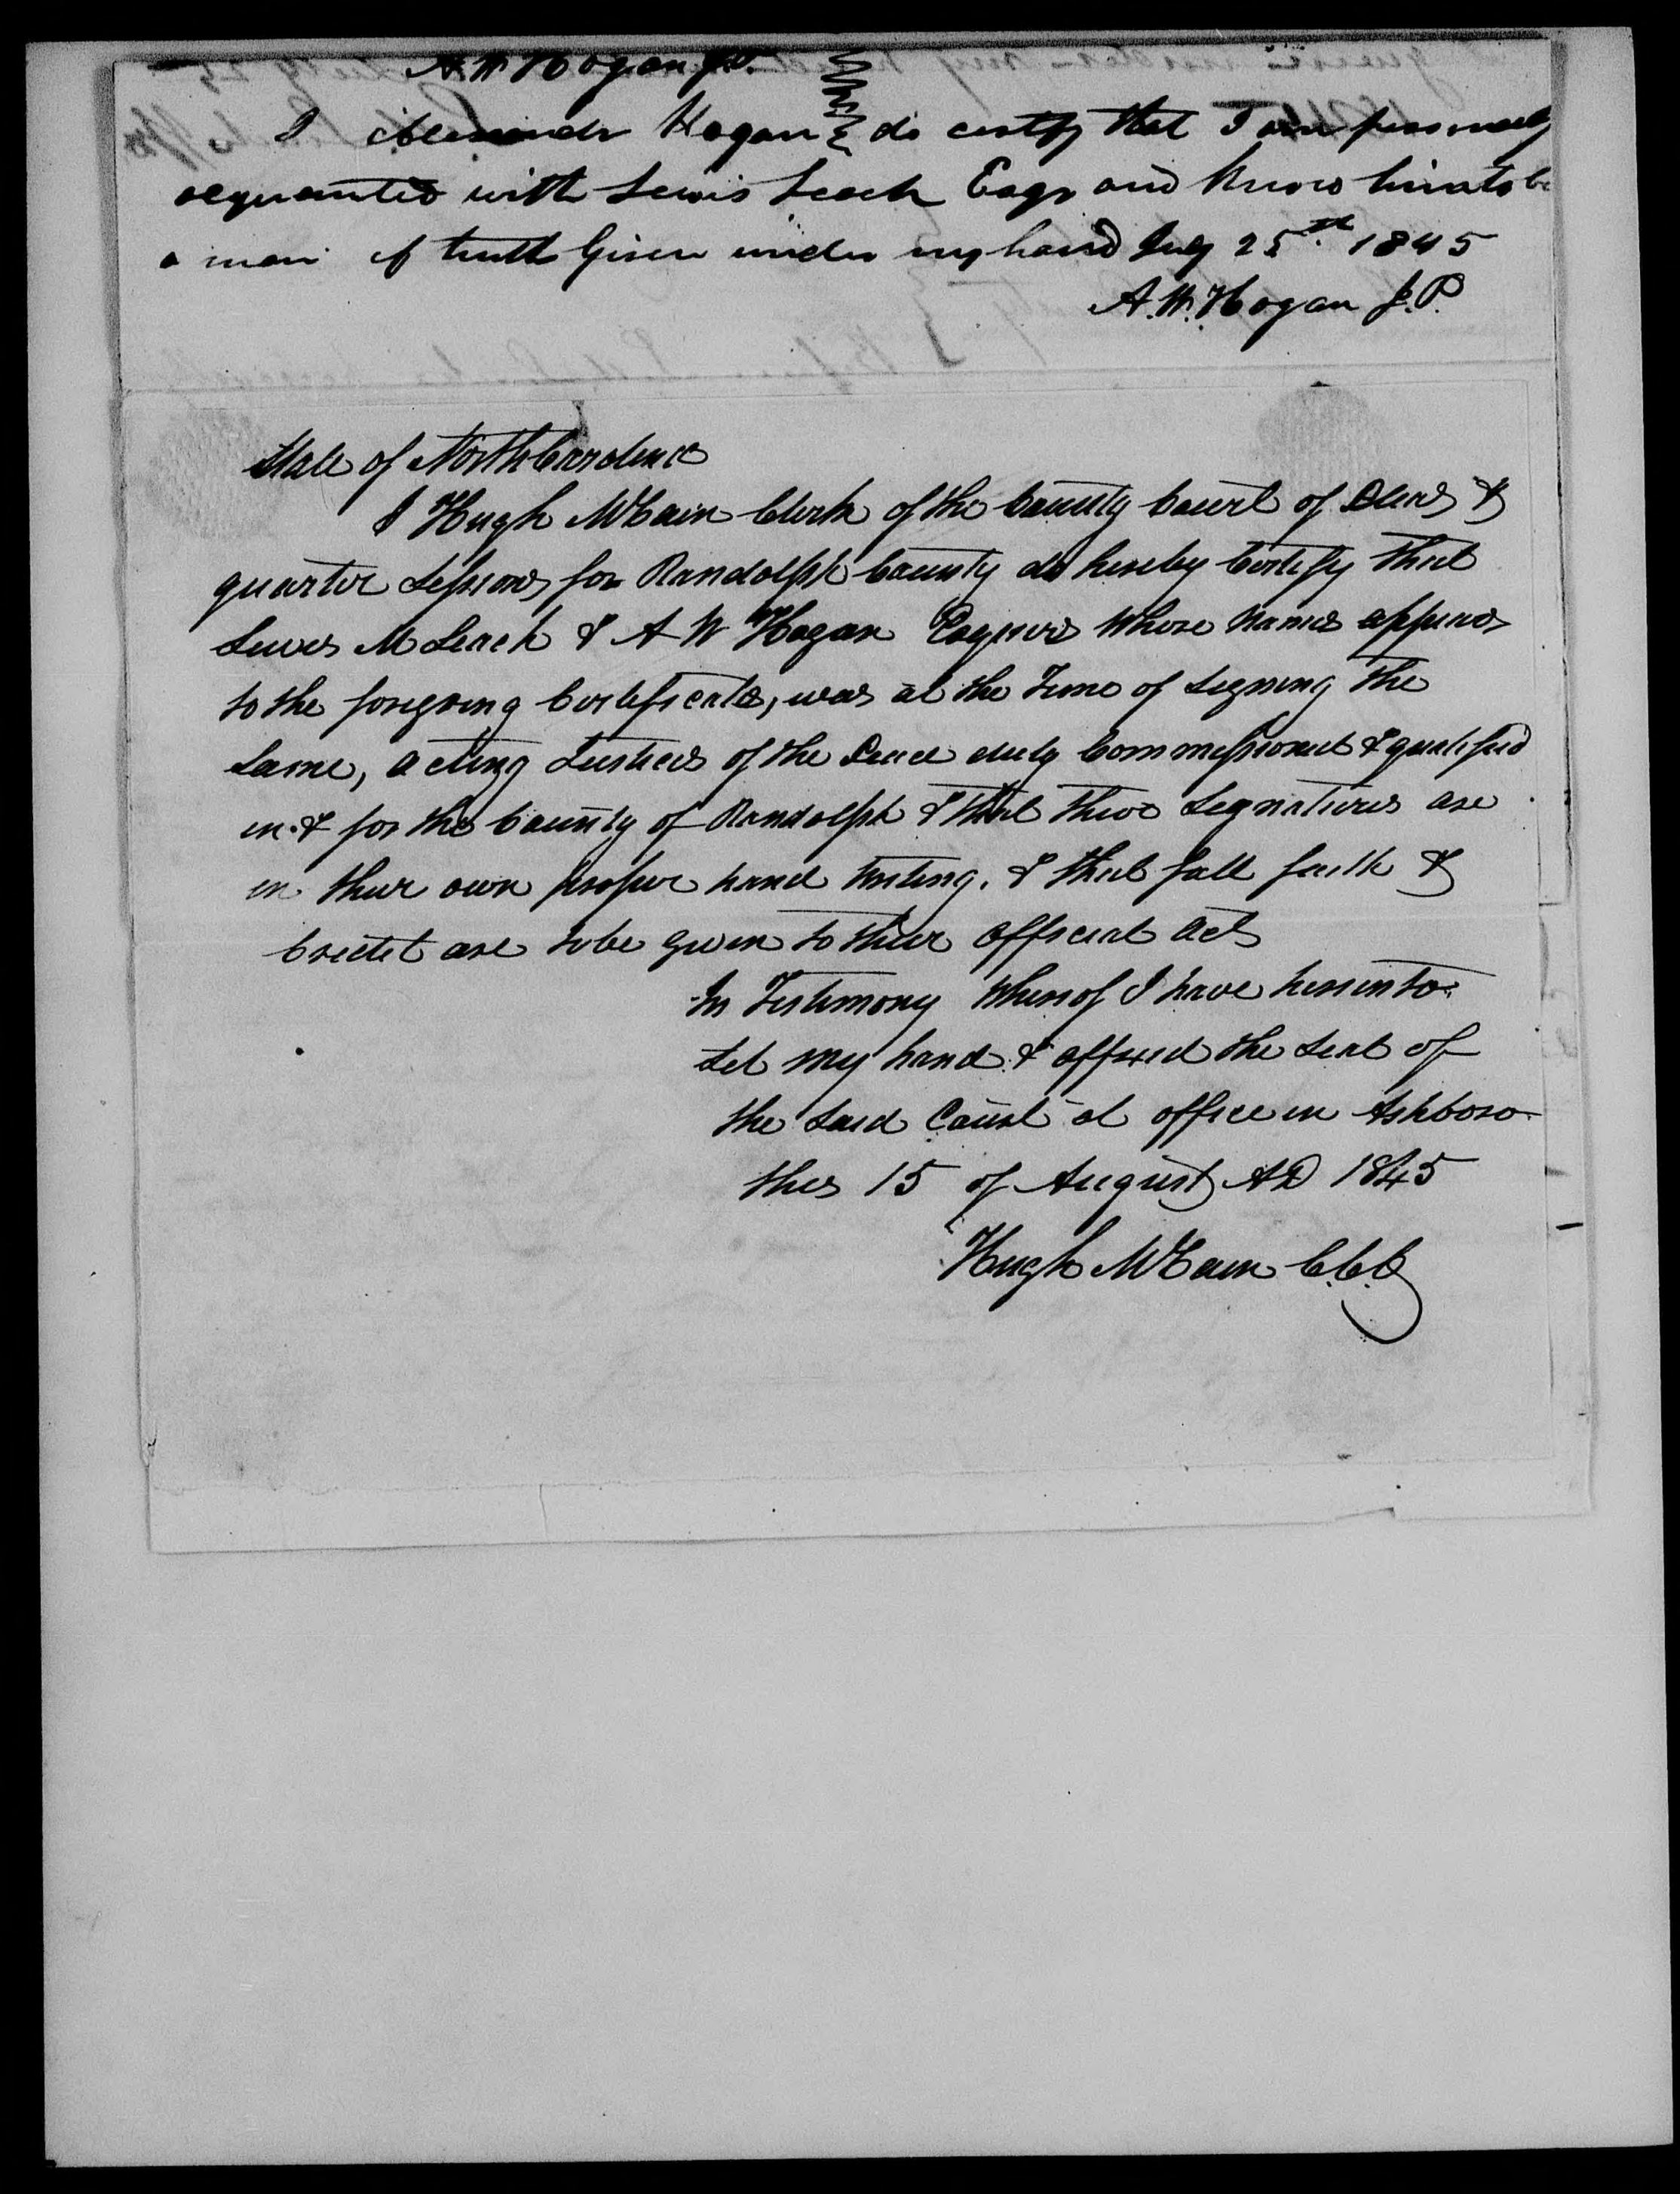A. W. Hogan JP}
I Alexander Hogan do certify that I am personal acquainted with Lewis Leach Esq and knows him to be man of truth Given under my hand July 25th 1845 
A. W. Hogan J.P. 

State North Carolina 
I Hugh McCain Clerk of the County Court of pleas & quarter Session for Randolph County do hereby certify that Lewis M Leach & A W Hogan Esquires whose names appear to the foregoing certificate, was at the time of signing the same, acting Justices of the Peace duly commissioned & qualified in & for the County of Randolph & that there signations are in their own proper hand writing & that full faith & credit are to be given to their official acts 
In Testimony Whereof I have hereunto set my hand & affixed the seal of the said Court at office in Ashboro [Asheboro] this 15 of August AD 1845 
Hugh McCain CCC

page: 41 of 41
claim: widow's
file: W. 5033, for Joseph Johnston, North Carolina